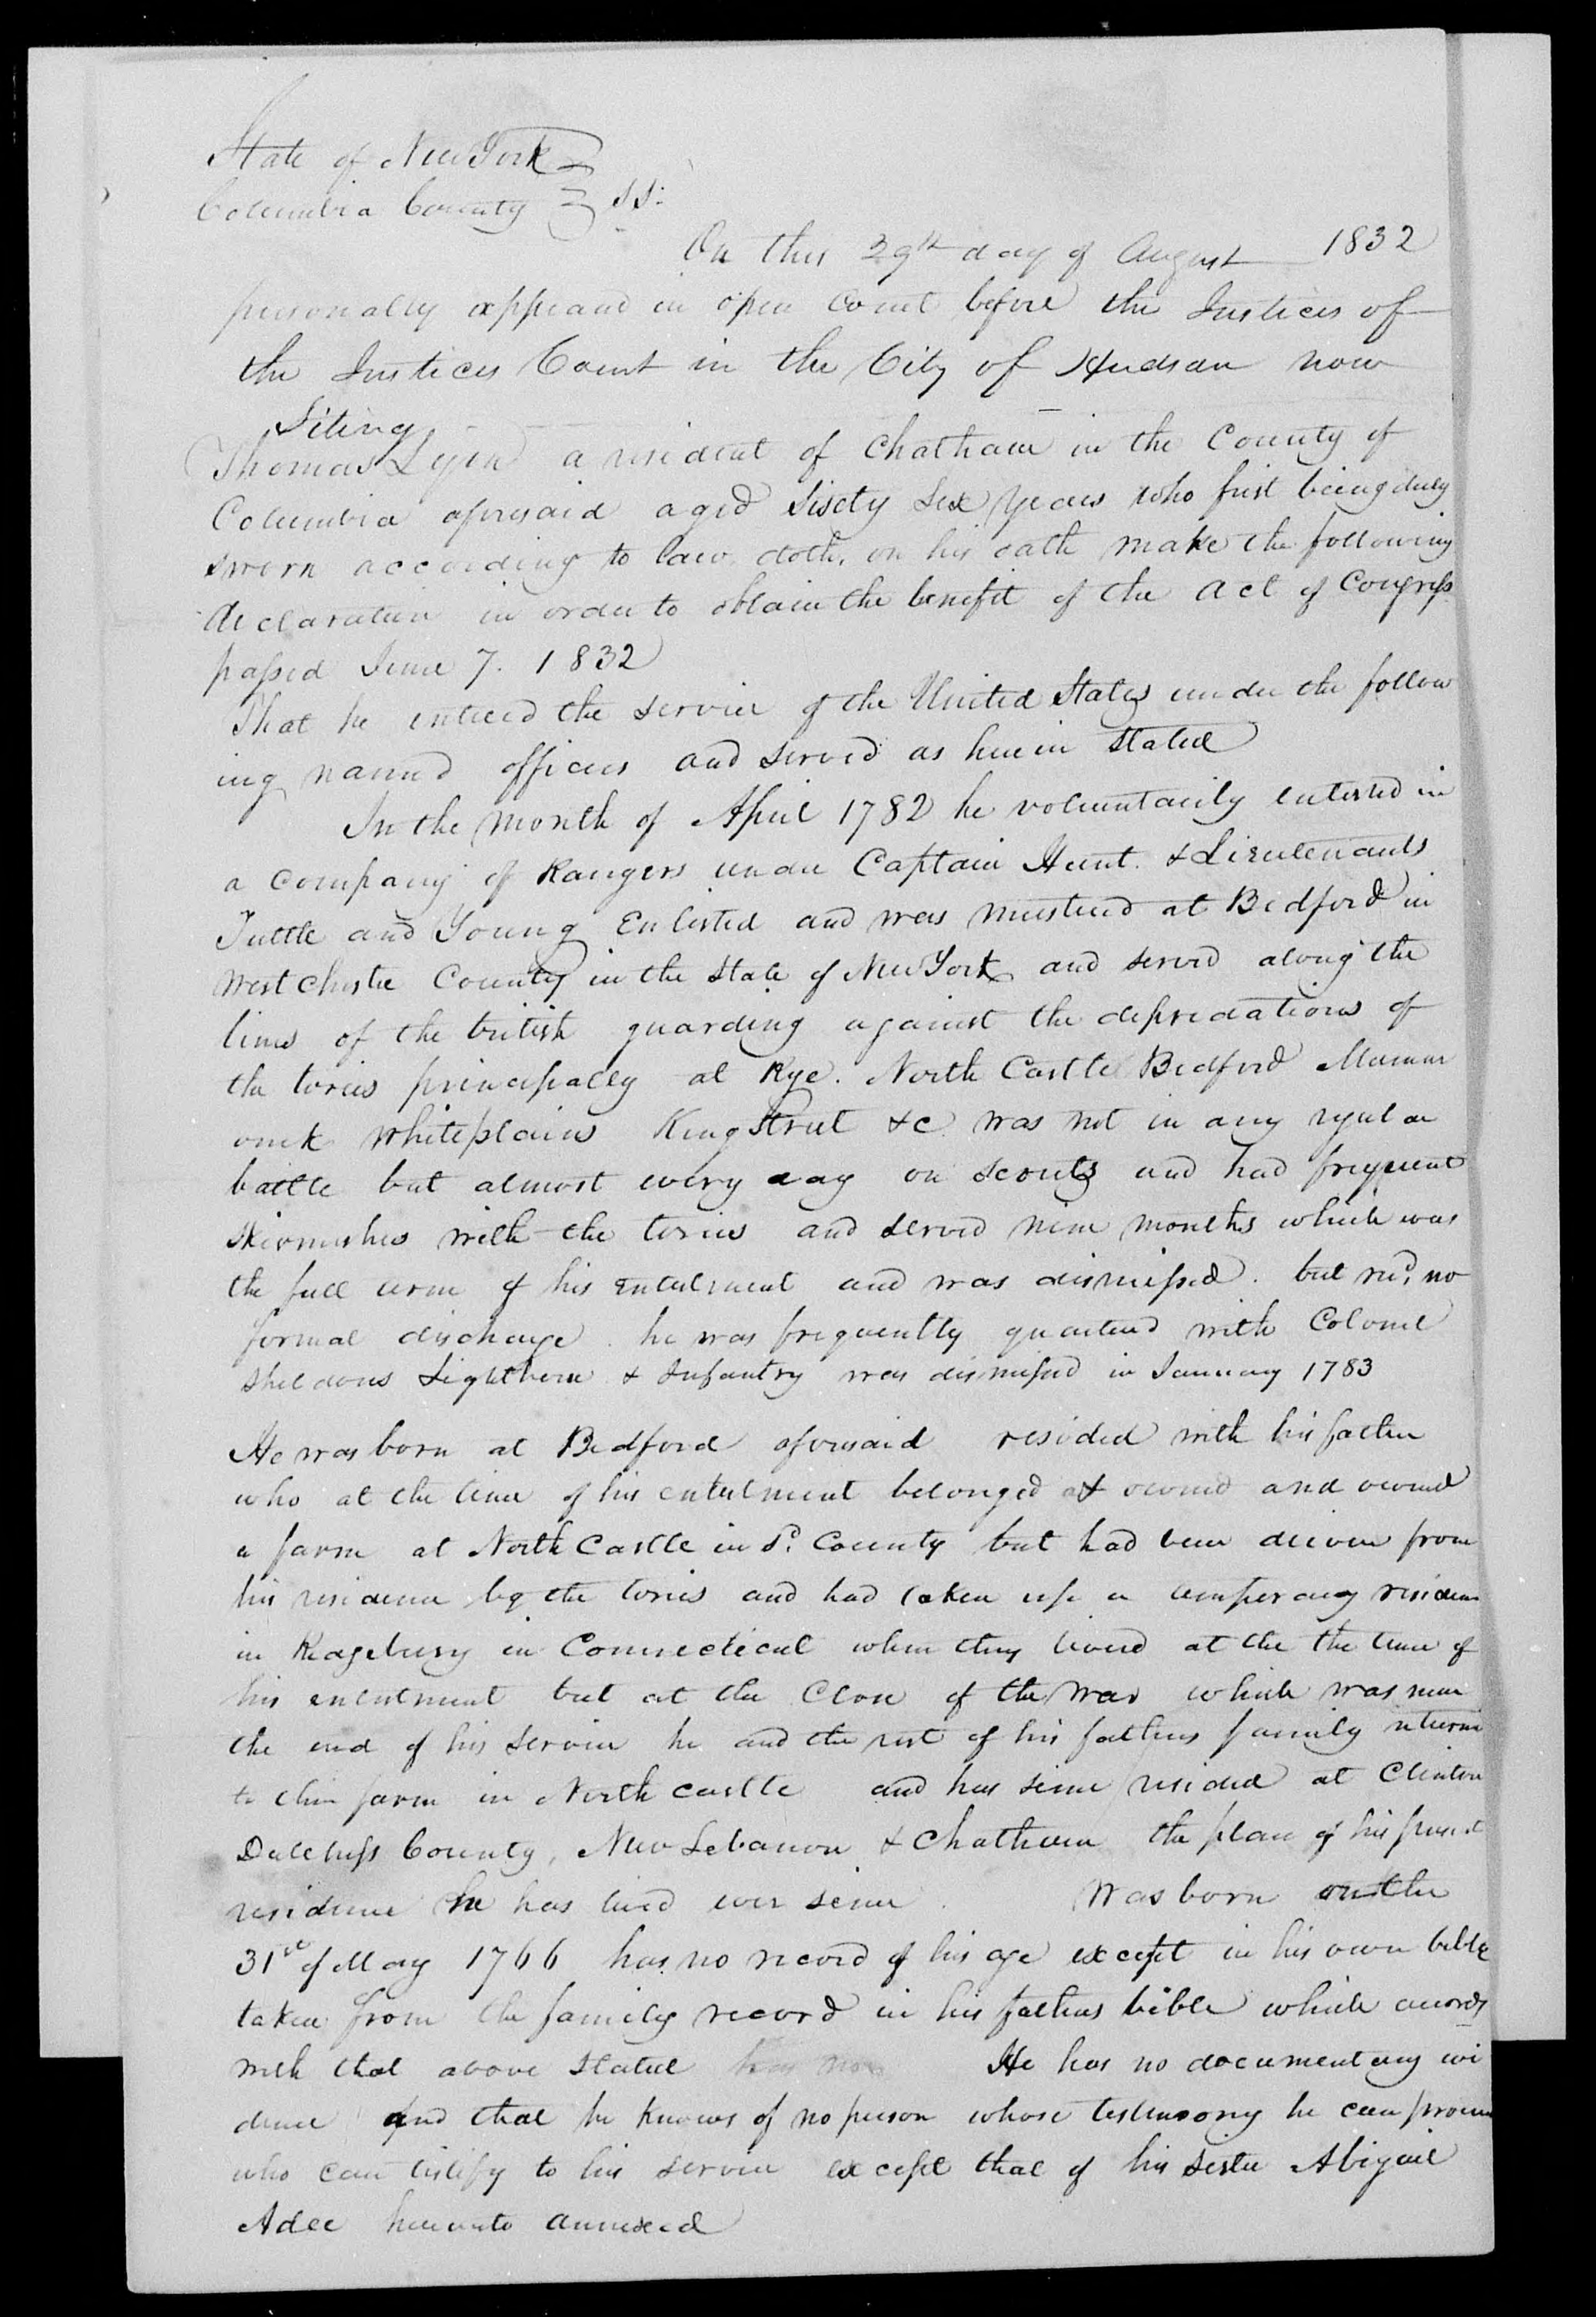State of New York
Columbia County Ss.
On this 29th day of August 1832 personally appeared in open Court before the Justices of
the Justices Court in the City of Hudson now
Siting
Thomas Lyon a resident of Chatham in the County of Columbia aforesaid aged sixty six years who first being duly sworn according to law doth on his oath make the following declaration in order to obtain the benefit of the act of Congress passed June 7. 1832
That he entered the service of the United States under the following named officers and served as herein stated
In the month of April 1782 he voluntarily enlisted in a company of Rangers under Captain Hunt & Lieutenants Tuttle and Young Enlisted and was mustered at Bedford in West Chester County in the State of New York and served along the lines of the british guarding against the depredations of the tories principally at Rye, North Castle Bedford Marramack White Plains King Street &c was not in any regular battle but almost every day on scouts and had frequent skirmishes with the tories and served nine months which was
the full arm of his interment and was dismissed. but no formal discharge he was frequently quartered with Colonel Sheldons Light horse & Infantry was dismissed in January 1783
He was born at Bedford aforesaid resided with his father who at the time of his enlistment belonged at owned and owned a farm at North Castle in sd County but had been driven from his residence by the tories and had taken up a temporary residence in Ridgebury in Connecticut where they lived at the the time of
his enlistment but at the close of the war which was near the end of his service he and the rest of his fathers family returned to their farm in North Castle and has since resided at Clinton
Dutchess County, New Lebanon & Chatham the place of his present residence he has lived ever since. Was born on the 31st of May 1766 has no record of his age except in his own bible taken from the family record in his fathers bible which accords with that above stated. He has no documentary evidence due and that he knows of no person whose testimony he can procure who can testify to his service except that of his sister Abigail Adee hereunto annexed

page: 3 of 28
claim: survivor's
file: S. 21,872, for Thomas Lyon, New York